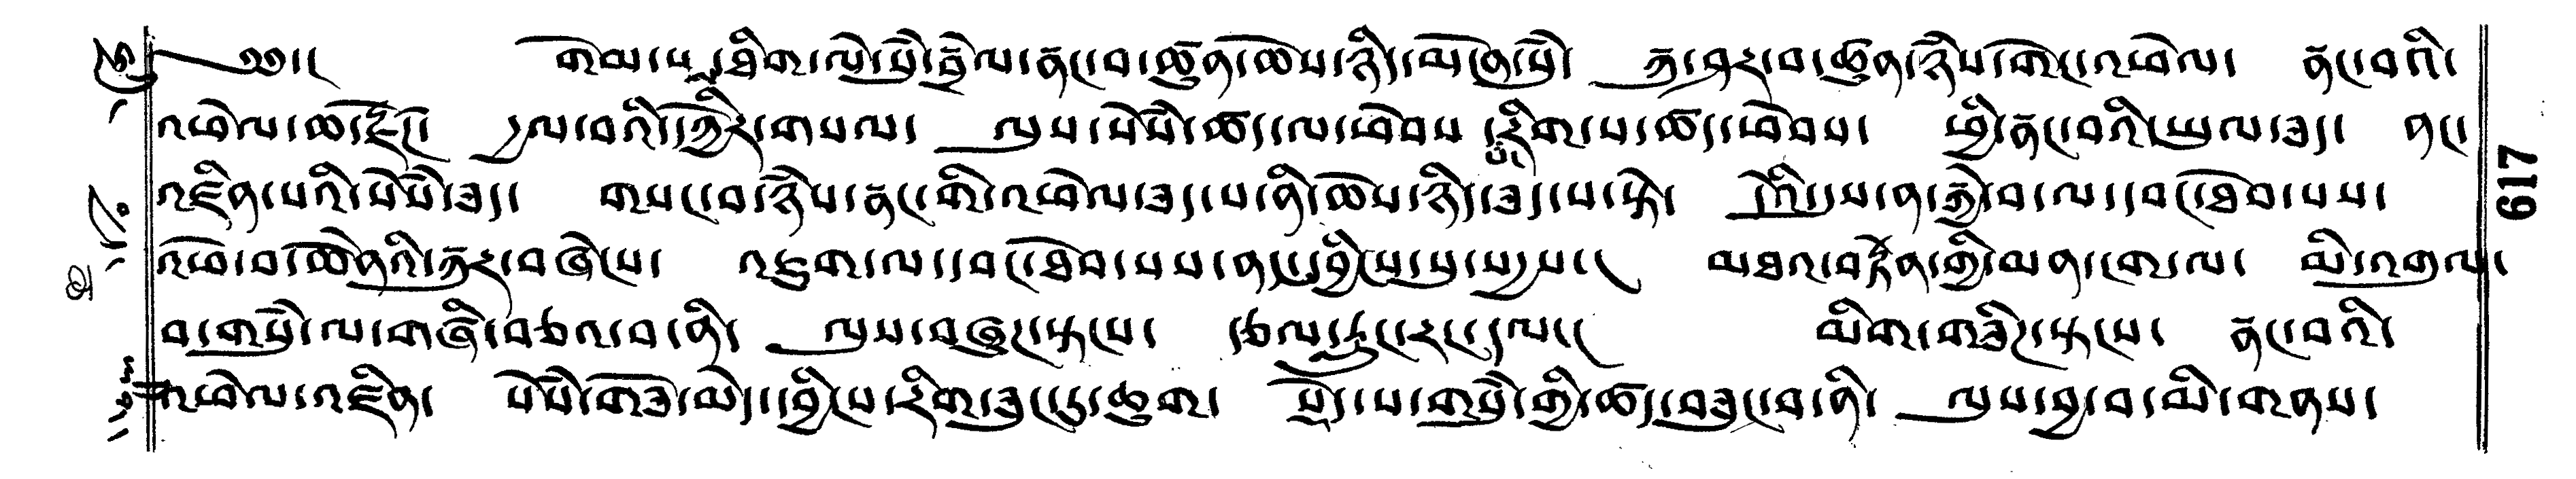གོམ་པས་ཐིག་ལེ་སུམ་སྦྲེལ་སྣང་བ་ཚུན་ཆོས་ཉིད་མངོན་སུམ། སྐུ་ཤར་བ་ཚུན་ཉམས་གོང་འཕེལ། སྣང་བའི་
འཕེལ་ཆ་རྫོགས། རྒྱལ་བའི་དཀྱིལ་འཁོར་གསལ། ལུས་སེམས་ཚད་ལ་ཕེབས་པ་རིག་པ་ཚད་ཕེབས། ཕྱི་སྣང་བའི་ཡུལ་ཟད། ནང་
འཛིན་པའི་སེམས་ཟད། གསང་བ་ཉམས་སྣང་གི་འཕེལ་ཟད་པ་ནི་ཆོས་ཉིད་ཟད་པ་སྟེ། དེའི་དུས་ན་སྐྱེ་བ་ལ་དབང་ཐོབ་པས་
འཕོ་བ་ཆེན་པོའི་སྐུར་བཞེངས། ( འཇུག་ ? )ལ་དབང་ཐོབ་པས་ནང་དབྱིངས་སུ་སངས་རྒྱས། མཐའ་བརྟེན་གྱི་མན་ངག་ལ། མི་འགུལ་
བ་གསུམ་ལ་གཞི་བཅའ་བ་ནི། ལུས་བཞུགས་སྟངས། ( རྩལ་རླུང་རང་དལ། ?) མིག་གཟིགས་སྟངས། སྣང་བའི་
འཕེལ་འཛིན། སེམས་གཟོ་མེད་དབྱིངས་རིག་ཟུང་ ( འཇུག ?) སྡོད་པ་གསུམ་གྱི་ཚད་བཟུང་བ་ནི། ལུས་བྱ་བ་མི་གནས་